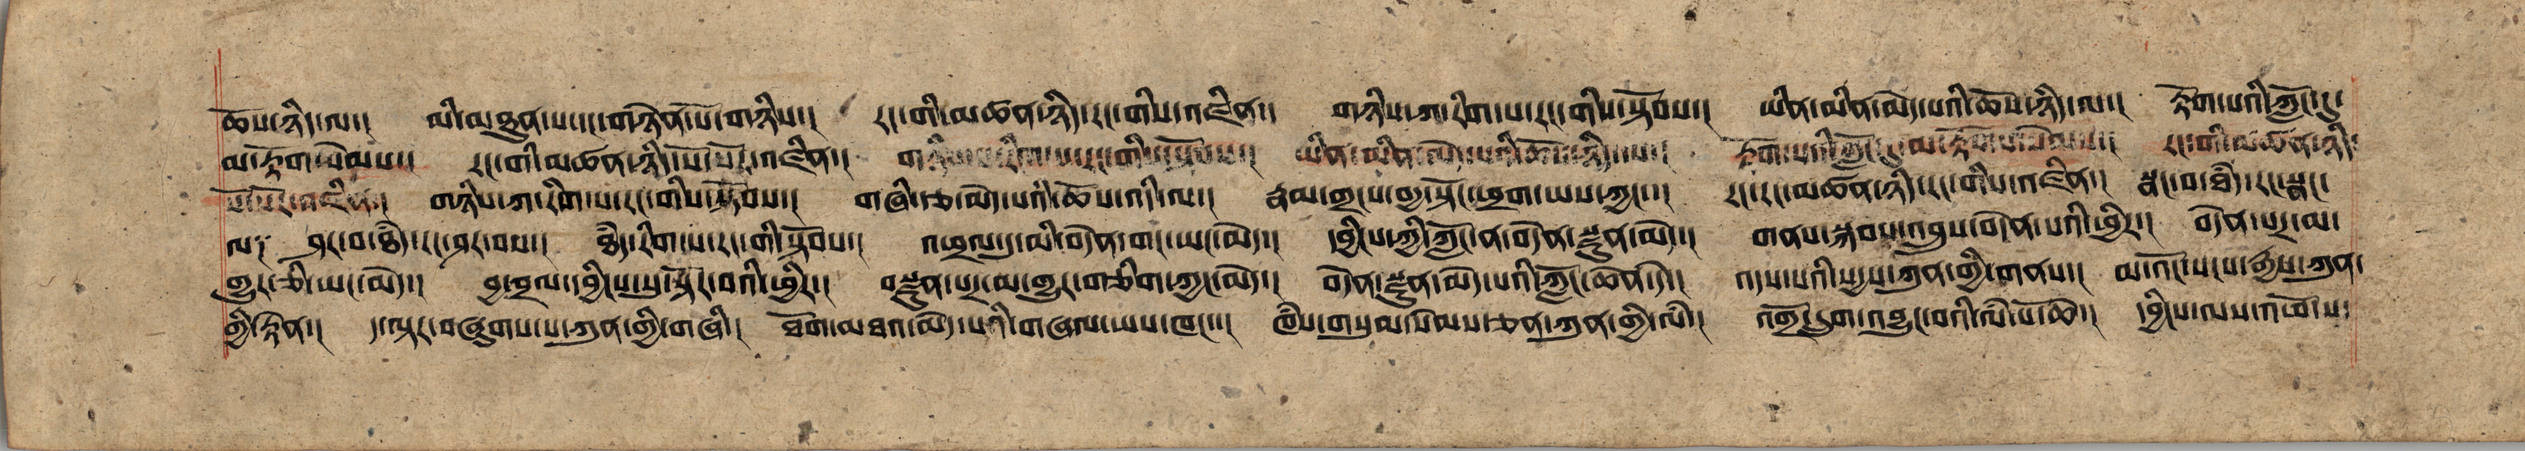ཆོས་ཉིད་ལ་། མི་མཐུན་པ་དང་གཉེན་པོ་གཉིས་། རང་གི་མཚན་ཉིད་རང་གིས་འཛིན་། གཉིས་ཀ་རིག་པ་རང་གིས་སྟོབས་། ཡིན་མིན་མེད་པའི་ཆོས་ཉིད་ལ་། རྟོག་པའི་ཀློང་དུ་
མ་རྟོག་སེམས་། རང་གི་མཚན་ཉིད་སོ་སོར་འཛིན་། གཉིས་པ་རིག་པ་རང་གི་སྟོབས་། ཡིན་མིན་མེད་པའི་ཆོས་ཉིད་ལ་། རྟོག་པའི་ཀློང་དུ་མ་རྟོགས་སེམས་། རང་གི་མཚན་ཉིད་
སོ་སོར་འཛིན་། གཉིས་ཀ་རིག་པ་རང་གིས་སྟོབས་། གཞི་རྩ་མེད་པའི་ཆོས་འདི་ལ་། རྣམ་གྲངས་བདྱ་སྟོང་ཕྲག་ཡས་ཀྱང་་། རང་དང་མཚན་ཉིད་རང་གིས་འཛིན་། སྣང་བ་ཐཾད་རང་སྣང་
ལ༑ ཤར་བ་ཐཾད་རང་ཤར་བས་། ཐཾད་རིག་པ་རང་གི་སྟོབས་། འཕྲལ་དུ་མི་བདེན་གང་ཡང་མེད་། དབྱིངས་ཀྱི་ཀློང་ན་བདེན་སྫུན་མེད་། གནས་སྐབས་འབྲུས་བདེན་པའི་ཕྱིར་། བདེན་པར་མ་
གྱུར་ཅི་ཡང་མེད་། བྱ་བྲལ་དབྱིངས་སུ་སྟོར་བའི་ཕྱིར་། བསྫུན་པར་མ་གྱུར་གཅིག་ཀྱང་མེད་། བདེན་སྫུན་མེད་པའི་ཀློང་ཆེན་དེ་། འདས་པའི་སདྱས་ཀུན་གྱི་གནས་། མ་འོང་སངས་རྒྱས་ཀུན་
གྱི་རྟེན་། ད་ལྟར་བཞུགས་པ་ཀུན་གྱི་གཞི་། ཐོག་མཐའ་མེད་པའི་གཞལ་ཡས་ཁང་་། ཁཾ་གསུམ་སེམས་ཅན་ཀུན་གྱི་ལཾ་། འགྲོ་དྲུག་འབྱུང་བའི་ལཾ་པོ་ཆེ་། དབྱིངས་ལས་འཕོ་ས་